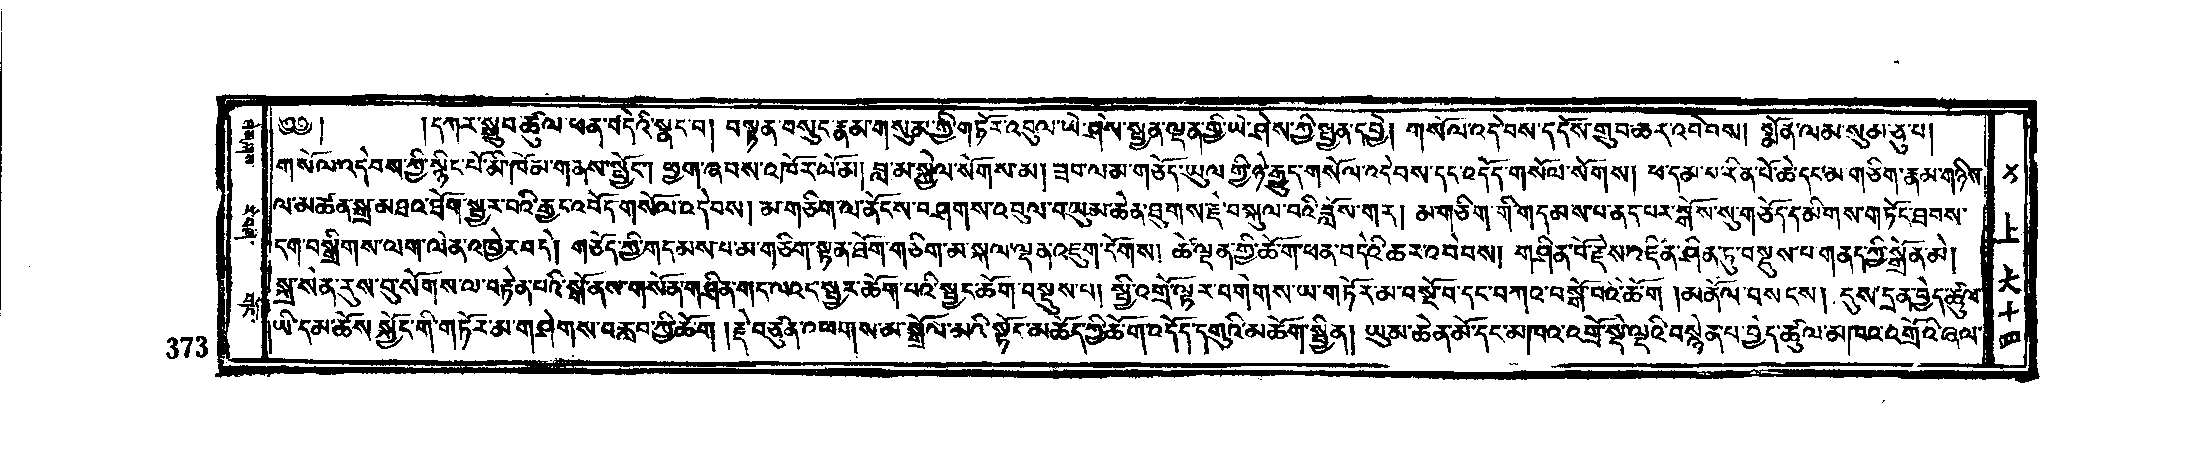༄༅། །དཀར་སྒྲུབ་ཚུལ་ཕན་བདེའི་སྣང་བ། བསྟན་བསུང་རྣམ་གསུམ་གྱི་གཏོར་འབུལ་ཡེ་ཤེས་སྤྱན་ལྡན་གྱི་ཡེ་ཤེས་ཀྱི་སྤྱན་དབྱེ། གསོལ་འདེབས་དངོས་གྲུབ་ཆར་འབེབས། སྨོན་ལམ་སུམ་ཅུ་པ།
གསོལ་འདེབས་ཀྱི་སྙིང་པོ་མི་ཁོམ་གནས་སྤྱོང་། ཕྱག་ཞབས་འཁོར་ལོ་མ། བླ་མ་སྐྱེལ་སོགས་མ། ཟབ་ལམ་གཅོད་ཡུལ་གྱི་ཉེ་རྒྱུད་གསོལ་འདེབས་དང་འདོད་གསོལ་སོགས། ཕ་དམ་པ་རིན་པོ་ཆེ་དང་མ་གཅིག་རྣམ་གཉིས་
ལ་མཚན་སྒྲ་མཐའ་ཐོག་སྦྱར་བའི་རྒྱང?་འབོད་གསོལ་འདེབས། མ་གཅིག་ལ་ནོངས་བཤགས་འབུལ་བ་ཡུམ་ཆེན་ཐུགས་རྗེ་བསྐུལ་བའི་ཟློས་གར། མ་གཅིག་གི་གདམས་པ་ནད་པར་སྒོས་སུ་གཅོད་དམིགས་གཏོང་ཐབས་
དག་བསྒྲིགས་ལག་ལེན་འཁྱེར་བདེ། གཅོད་ཀྱི་གདམས་པ་མ་གཅིག་སྟན་ཐོག་གཅིག་མ་སྐལ་ལྡན་འཇུག་དོགས། ཚེ་ལྡན་གྱི་ཆོ་ག་ཕན་བདེའི་ཆར་འབེབས། གཤིན་པོ་རྗེས་འཛིན་ཤིན་ཏུ་བསྡུས་པ་གནད་ཀྱི་སྒྲོན་མེ།
སྐྲ་སེན་རུས་བུ་སོགས་ལ་བརྟེན་པའི་སྒོ་ནས་གསོན་གཤིན་གང་ལའང་སྦྱར་ཆོག་པའི་སྦྱང་ཆོག་བསྡུས་པ། སྤྱི་འགྲོ་ལྟར་བགེགས་ཡ་གཏོར་མ་བསྔོ་བ་དང་བཀའ་བསྒོ་བའི་ཆོ་ག །མནོལ་བསངས། དུས་དྲན་བྱེད་ཚུལ་
ཡི་དམ་ཆོས་སྐྱོང་གི་གཏོར་མ་གཤེགས་བརླབ་ཀྱི་ཆོ་ག །རྗེ་བཙུན་འཕགས་མ་སྒྲོལ་མའི་སྟོང་མཆོད་ཀྱི་ཆོ་ག་འདོད་དགུའི་མཆོག་སྦྱིན། ཡུམ་ཆེན་མོ་དང་མཁའ་འགྲོ་སྡེ་ལྔའི་བསྙེན་པ་བྱེད་ཚུལ་མཁའ་འགྲོའི་ཞལ་